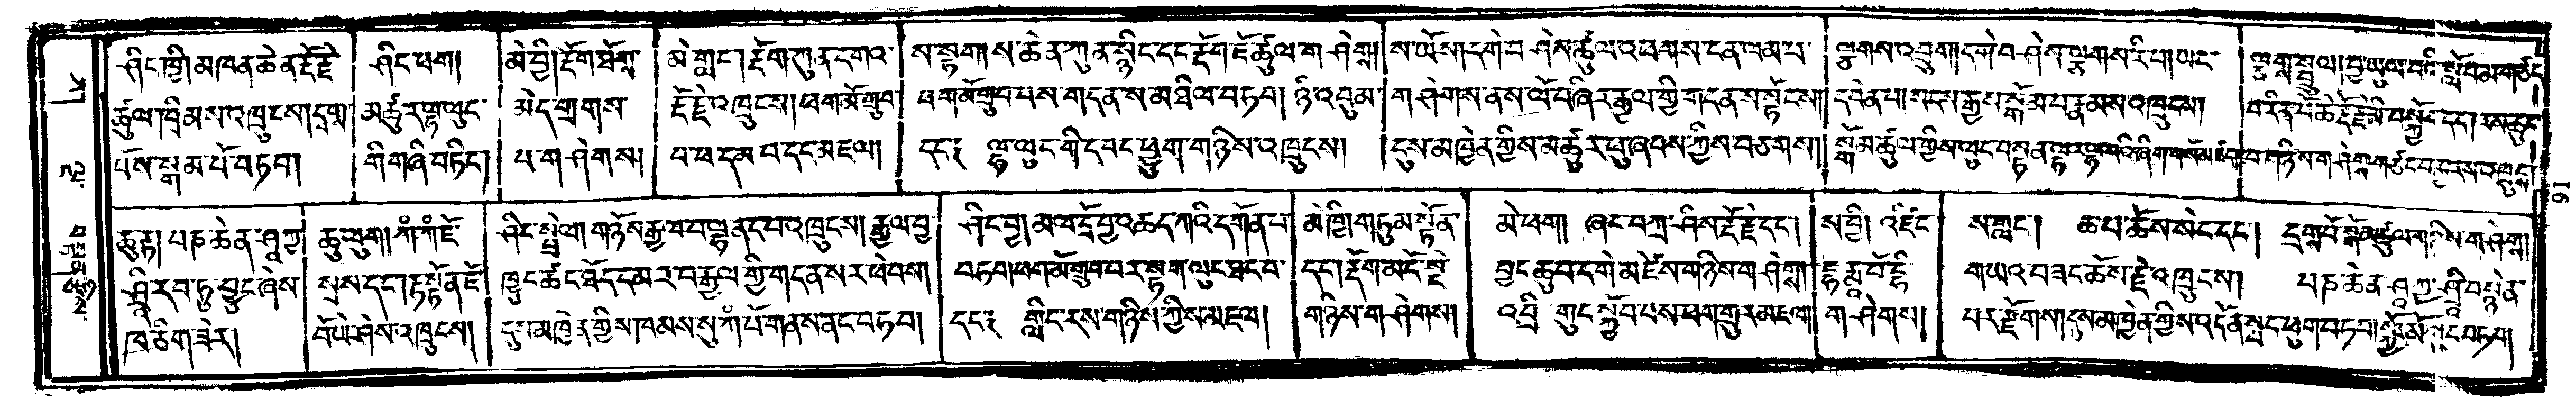ཤིང་ཁྱི། མཁན་ཆེན་རྡོ་རྗེ་ཤིང་ཕག །མེ་བྱི། རྡོག་ཐོགས་མེ་གླང་། རྡོག་ཀུན་དགའ་ས་སྟག། ས་ཆེན་ཀུན་སྙིང་དང་རྡོག་ཇོ་ཚུལ་གཤེགས། ས་ཡོས། དགེ་བཤེས་ཚུལ་འཕགས་ངན་ལམ་པ་ལྕགས་འབྲུག །དགེ་ཤེས་ལྕགས་རིལ། ཡང་ལྕགས་སྦྲུལ། བྱ་ཡུལ་བའི་སློབ་མ་གཙང་
ཚུལ་ཁྲིམས་འཁྲུངས། དྲགས་མཚུར་ལྷ་ལུང་མེད་གྲགས་རྡོ་རྗེ་འཁྲུངས། ཕག་མོ་གྲུབ་ཕག་མོ་གྲུབ་པས་གདན་ས་མཐིལ་བཏབ། ཉི་འབུམ་གཤེགས་ནས་ལོ་བཞིར་རྒྱལ་གྱི་གདན་ས་སྟོངས། དབེན་པ། སངས་རྒྱས་སྒོམ་པ་རྣམས་འཁྲུངས། བ་རིན་པོ་ཆེ་རྡོ་རྗེ་མི་བསྐྱོབ་དང་། འམ་ཆུང་
པོས་སྒམ་པོ་བཏབ། གི་གཞི་བཏིང་། པ་གཤེགས། པ་ཕ་དམ་པ་དང་མཇལ། དང་། ལྷ་ལུང་བི་དབང་ཕྱུག་གཉིས་འཁྲུངས། དུས་མཁྱེན་གྱིས་མཚུར་ཕུ་ཞབས་ཀྱིས་བཅགས། སྒོམ་ཚུལ་གྱིས་ལུང་བསྟན་ལྟར་ལྷ་བའི་ཞིག་གསོས་ཙད་པ་གཉིས་གཤིགས་གཙང་བ་རྒྱ?་རས་འཁྲུངས་
ཆུ་རྟ། པཎ་ཆེན་ཤཱཀྱ། ཆུ་ལུག། ཀཾ་ཀཾ་ཇོ་ཤིང་སྤྲེལ། གཉོས་རྒྱལ་བ་ལྷ་ནང་བ་འཁྲུངས། རྒྱལ་བྱ། ཤིང་བྱ། མལ་དྲོ་བྱ་འཆད་ཀའི་དགོན་པ་མེ་ཁྱི། གཏུམ་སྟོན་མེ་ཕག །ཞང་བཀྲ་ཤིས་རྡོ་རྗེ་དང་། ས་བྱི། འཛི་ས་གླང་། ཆ་པ་ཆོས་སེང་དང་། དྲ་གྲ་བོ་སྒོམ་ཚུལ་གཉིས་གཤེགས།
ཤྲཱི་རབ་ཏུ་བྱུང་ཞེས། སྲས་དང་། རྟ་སྟོན་ཇོ་ཁྱུང་ཚང་ཐོད་དམར་བརྒྱལ་གྱི་གདན་སར་ཕེབས། བཏབ། ཕག་མོ་གྲུབ་པར་སྟག་ལུང་ཐང་བ་དང་། རྡོག་མདོ་སྡེ་བྱང་ཆུབ་དགེ་མཛེས་གཉིས་གཤེགས། དྷ་རྨཱ་བོ་དྷི་གཡའ་བཟང་ཆོས་རྗེ་འཁྲུངས། པཎ་ཆེན་ཤཱཀྱ་ཤྲཱི་བསྙེན་
ཁ་ཅིག་ཟེར། བོ་ཡེ་ཤེས་འཁྲུངས། དུས་མཁྱེན་གྱིས་ཁམས་སུ་ཀཾ་པོ་གནས་དང་བཏབ། དང་། གླིང་རས་གཉིས་ཀྱིས་མཇལ། གཉིས་གཤེགས། འབྲི་གུང་སྐྱོབ་པས་ཕག་གྲུར་མཇལ། གཤེགས། པར་རྫོགས། དུས་མཁྱེན་གྱིས་འདོད་སྤང་ཕུག་བཏབ། སྐྱོབ་མོ་ལུང་བཏབ།